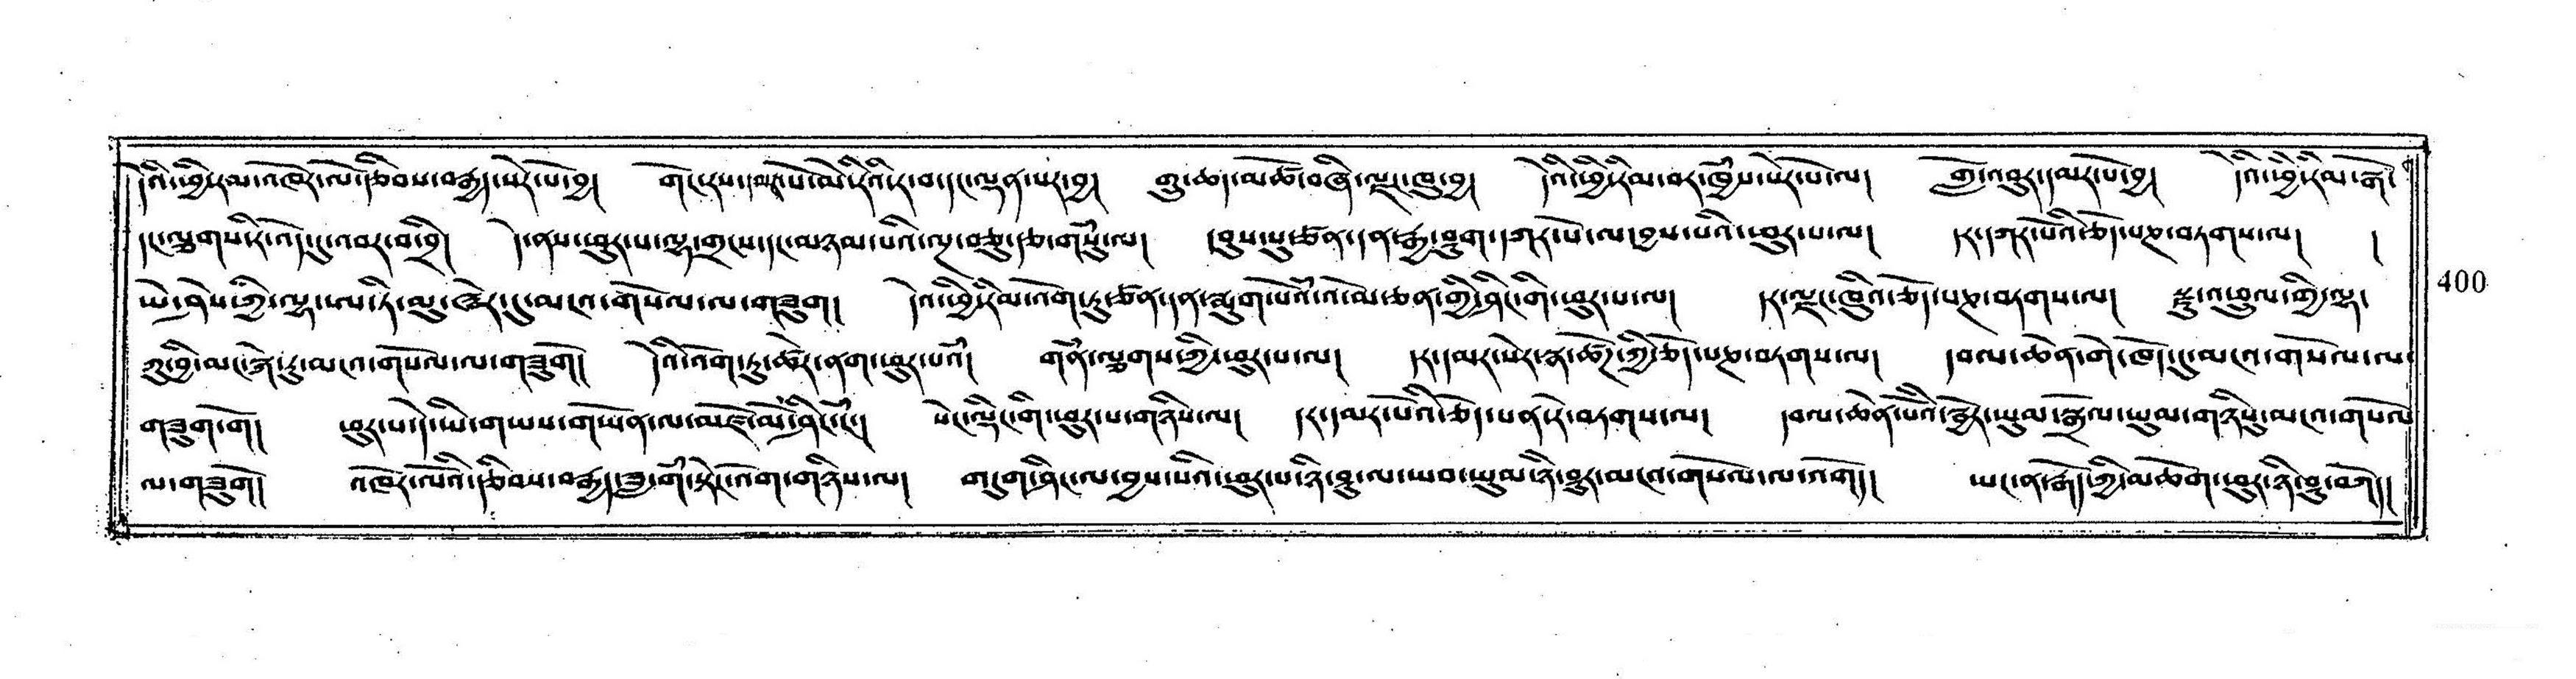།དེའི་ཕྱི་རིམ་འཁོར་ལོ་རྩིབས་བརྒྱད་སེར་པོ་བྱ། གོང་རས་དམར་པོ་མེ་རིའི་རྭ་བ་དང་ལྡན་པར་བྱ། གྲུ་ཆད་མཚོ་བཞི་ལྗང་ཁུ་བྱ། དེའི་ཕྱི་རིམ་བར་ཁྱམས་སེར་པོ་ལ། གློ་འབུར་དམར་པོ་བྱ། དེའི་ཕྱི་རིམ་སྒོ་
དང་ལྕགས་རི་འོད་དུ་འབར་བ་བྲི། དེ་ནས་ཕུར་པ་ལྷ་གྲངས་དང་མཉམ་པའི་ལྔ་བཅུ་རྩ་གསུམ་ལ། དབུས་སུ་ཙན་དན་རྒྱ་ཤུག་དཀར་པོ་ལ་བྱས་པའི་ཕུར་པ་ལ། དར་དཀར་པོའི་ཅོད་པཎ་བཏགས་ལ། 
ཡེ་ཤེས་ཀྱི་ལྷ་ཨ་ཏི་མུ་ཝེར་དུ་མངའ་གསོལ་ལ་གཟུག །དེའི་ཕྱི་རིམ་འོག་ཏུ་ཙན་དན་སྨུག་པོའམ་འོ་མ་ཅན་གྱི་ཤིང་གི་ཕུར་པ་ལ། དར་ལྗང་ཁུའི་ཅོད་པན་བཏགས་ལ། རྫུ་འཕྲུལ་གྱི་ལྷ་
ཀུ་བྱི་མང་སྐེ་རུ་མངའ་གསོལ་ལ་གཟུག་གོ །དེའི་འོག་ཏུ་ཚེར་ནག་ཕུར་པའམ། གནམ་ལྕགས་ཀྱི་ཕུར་པ་ལ། དར་དམར་སེར་སྣ་ཚོགས་ཀྱི་ཅོད་པན་བཏགས་ལ། དབལ་ཆེན་གེ་ཁོད་དུ་མངའ་གསོལ་ལ་
གཟུག་གོ །ཕུར་པ་དེ་ཡི་གཡས་གཡོན་ལ་མཛོ་མོ་ཤིང་ངམ། སིང་ལྡིང་གི་ཕུར་པ་གཉིས་{410}ལ། དར་དམར་པོའི་ཅོད་པན་རེ་བཏགས་ལ། དབལ་ཆེན་པོའི་སྦྱོར་ཡུམ་སྒྲོལ་ཡུམ་གཉིས་སུ་མངའ་གསོལ་
ལ་གཟུག་གོ །འཁོར་ལོའི་རྩིབས་བརྒྱད་ཟླ་གམ་སྟེང་འོག་གཉིས་ལ། གདུག་ཤིང་ལ་བྱས་པའི་ཕུར་པ་ཉི་ཤུ་ལ་ཡབ་ཡུམ་ཉི་ཤུར་མངའ་གསོལ་ལ་འགོད། ཡང་ན་རྒོད་ཀྱི་མཆོག་ཕུར་ཉི་ཤུ་བཀོད།